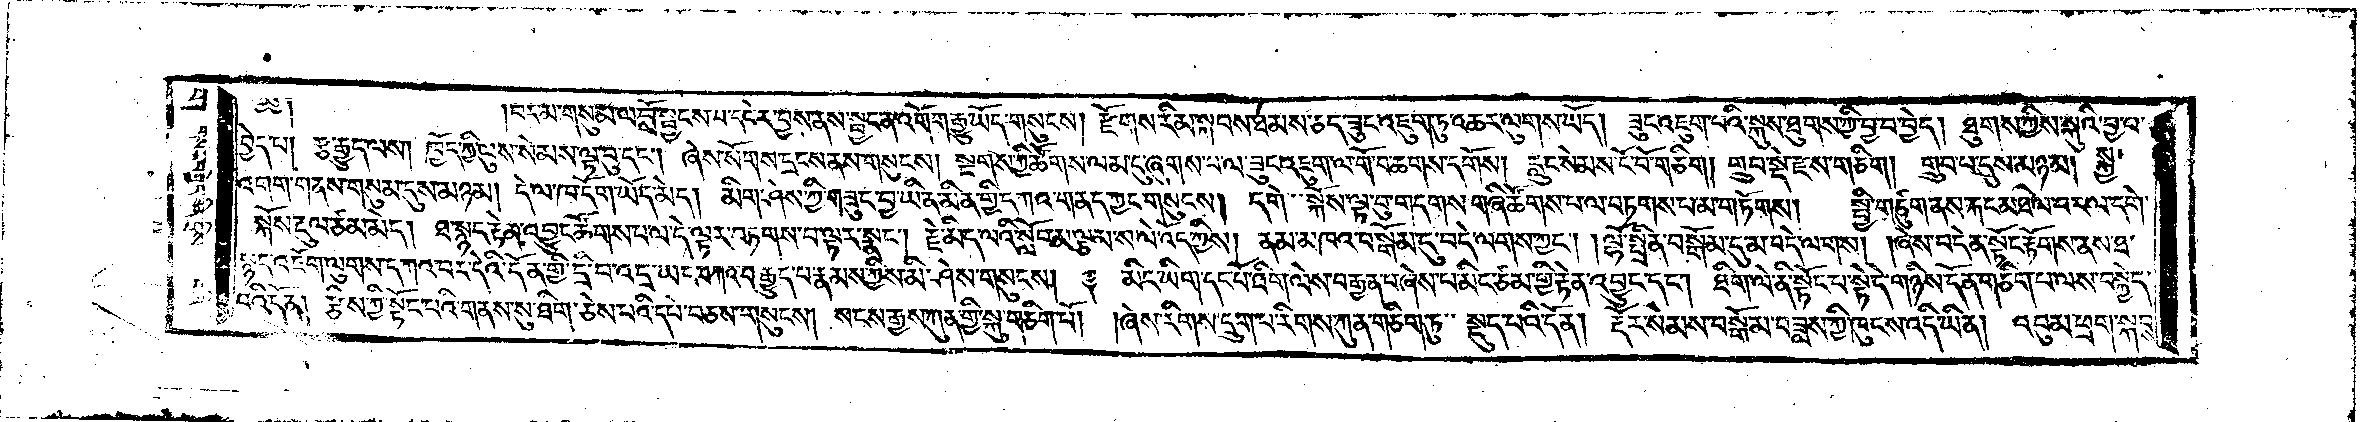༄༅། །བར་མ་གསུམ་ལ་བློ་སྦྱངས་པ་དཔེར་བྱས་ནས་སྦྱང་ན་འགོག་རྒྱུ་ཡོད་གསུངས། རྫོགས་རིམ་སྐབས་ཐམས་ཅད་ཟུང་འཇུག་ཏུ་འཆར་ལུགས་ཡོད། ཟུང་འཇུག་པའི་སྐུས་ཐུགས་ཀྱི་བྱ་བ་བྱེད། ཐུགས་ཀྱིས་སྐུའི་བྱ་བ་
བྱེད་པ། རྩ་རྒྱུད་ལས། ཁྱོད་ཀྱི་ལུས་སེམས་ལྟ་བུ་དང་། ཞེས་སོགས་དྲངས་ནས་གསུངས། སྔགས་ཀྱི་ཚོགས་ལམ་དུ་ཞུགས་པ་ལ་ཟུང་འཇུག་ལ་གོ་བ་ཆགས་དགོས། རླུང་སེམས་ངོ་བོ་གཅིག། གྲུབ་སྡེ་རྫས་གཅིག། གྲུབ་པ་དུས་མཉམ། སྐྱ་
འགག་གནས་གསུམ་དུས་མཉམ། དེ་ལ་ཁ་དོག་ཡོད་མེད། མིག་ཤེས་ཀྱི་གཟུང་བྱ་ཡིན་མིན་གྱི་དཀའ་གནད་ཀྱང་གསུངས། དགེ་སྐོས་ལྟ་བུ་གདགས་གཞི་ཚོགས་པ་ལ་བཏགས་པ་མ་གཏོགས། སྤྱི་གཙུག་ནས་རྐང་མཐིལ་བར་ལ་དགེ་
སྐོས་རྡུལ་ཙམ་མེད། ཐ་སྙད་རྟེན་འབྱུང་ཚོགས་པ་ལ་དེ་ལྟར་བཏགས་བ་ལྟར་སྣང་། རྗེ་མིད་ལའི་སློབ་མ་ལྕམ་ས་ལེ་འོད་ཀྱིས། ནམ་མཁའ་བསྒོམ་དུ་བདེ་ལགས་ཀྱང་། །ལྷོ་སྤྲིན་བསྒོམ་དུ་མ་བདེ་ལགས། །ཞེས་བདེན་སྟོང་རྟོགས་ནས་ཐ་
སྙད་འཇོག་ལུགས་དཀའ་བར་དེའི་དོན་གྱི་དྲི་བ་འདྲ་ཡང་བཀའ་བརྒྱུད་པ་རྣམས་ཀྱིས་མི་ཤེས་གསུངས། ༈ མིང་ཡིག་དང་པོ་ཐིག་ལེས་བརྒྱན་པ་ཞེས་པ་མིང་ཙམ་གྱི་རྟེན་འབྱུང་དང་། ཐིག་ལེ་ནི་སྟོང་པ་སྟེ་དེ་གཉིས་དོན་གཅིག་པ་ལས་བསྐྱེད་
བའི་དོན། རྩིས་ཀྱི་སྟོང་པའི་གནས་སུ་ཐིག་ཅེས་པའི་དཔེ་བཅས་གསུངས། སངས་རྒྱས་ཀུན་གྱི་སྐུ་གཅིག་པོ། །ཞེས་རིགས་དྲུག་པ་རིགས་ཀུན་གཅིག་ཏུ་སྡུད་པའི་དོན། རྡོར་སེམས་བསྒོམ་བཟླས་ཀྱི་ཁུངས་འདི་ཡིན། འབུམ་ཕྲག་སྐབས་